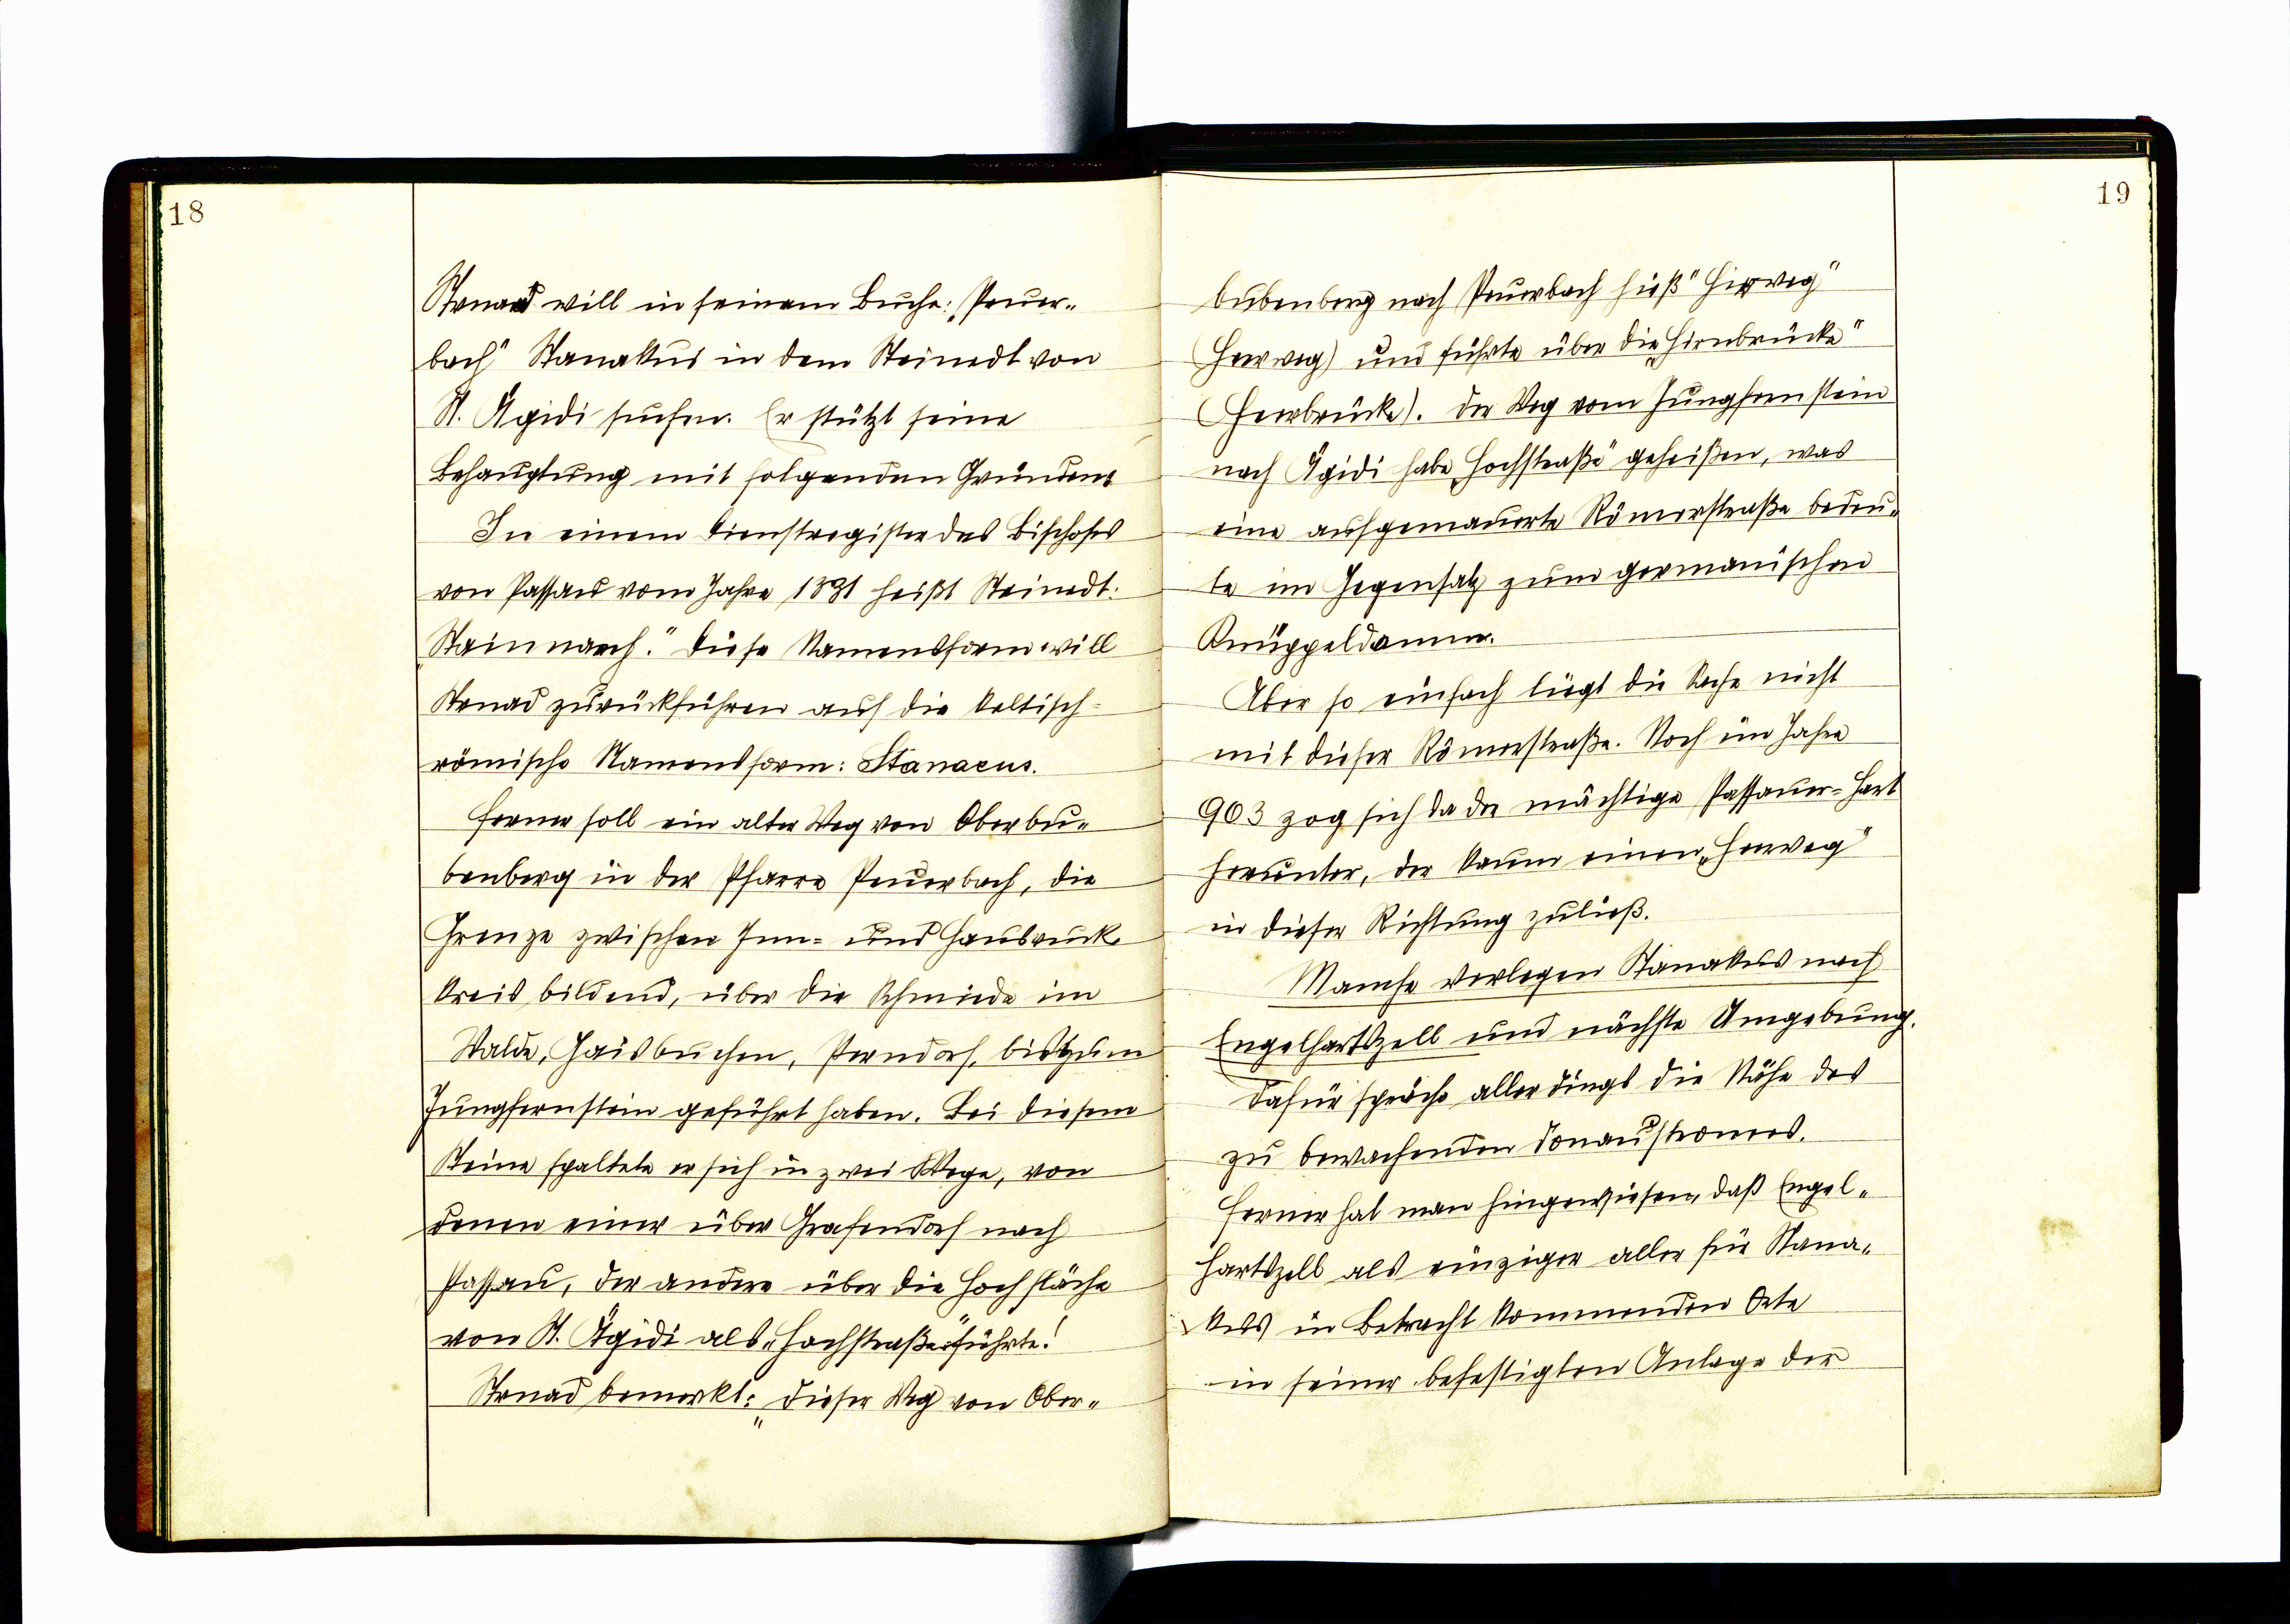Strnad will in seinem Buche „Peuer-
bach“ Stanakus in dem Steinedt von
St. Ägidi suchen. Er stützt seine
Behauptung mit folgendem Gründen.
In einem Dienstregister des Bischofes
von Passau vom Jahr 1331 heißt Steinedt:
„Stainnaech“. Diese Namensform will
Strnad zurückführen auf die keltisch
römische Namensform: Stanacus.
Ferner soll ein alter Weg von Oberbu-
chberg in der Pfarre Peuerbach, die
Grenze zwischen Inn- und Hausruck-
kreis bildend, über der Schmiede im
Walde, Gaisbuchen, Perndorf, bis zum
Jungfernstein geführt haben. Bei diesem
Steine spaltete er sich in zwei Wege, von
denen einer über Grafendorf nach
Passau, der andere über die Hochfläche
von St. Ägidi als „Hochstraße“ führte!
Strnad bemerkte: „dieser Weg von Ober-
bubenberg nach Peuerbach hieß „Hirweg“
(Heerweg) und führte über die „Hirnbrücke“
(Heerbrücke). Der Weg vom Jungfernstein
nach Ägidi habe „Hochstraße“ geheißen, was
eine aufgemauerte Römerstraße bedeu-
te im Gegensatz zum germanischen
Knüppeldamm.
Aber so einfach liegt die Sache nicht
mit dieser Römerstraße. Noch im Jahre
903 zog sich da der mächtige Passerer-Hart
herunter, der kaum einen „Heerweg“
in dieser Richtung zuließ.
Manche verlegen Stanakus nach
Engelhartszell und nächste Umgebung.
Dafür spräche aller Dings die Nähe des
zu bewachenden Donaustromes.
Ferner hat man hingewisen, daß Engel-
hartszell als einziger aller für Stana-
kus in Betracht kommenden Orte
in seiner befestigten Anlage der